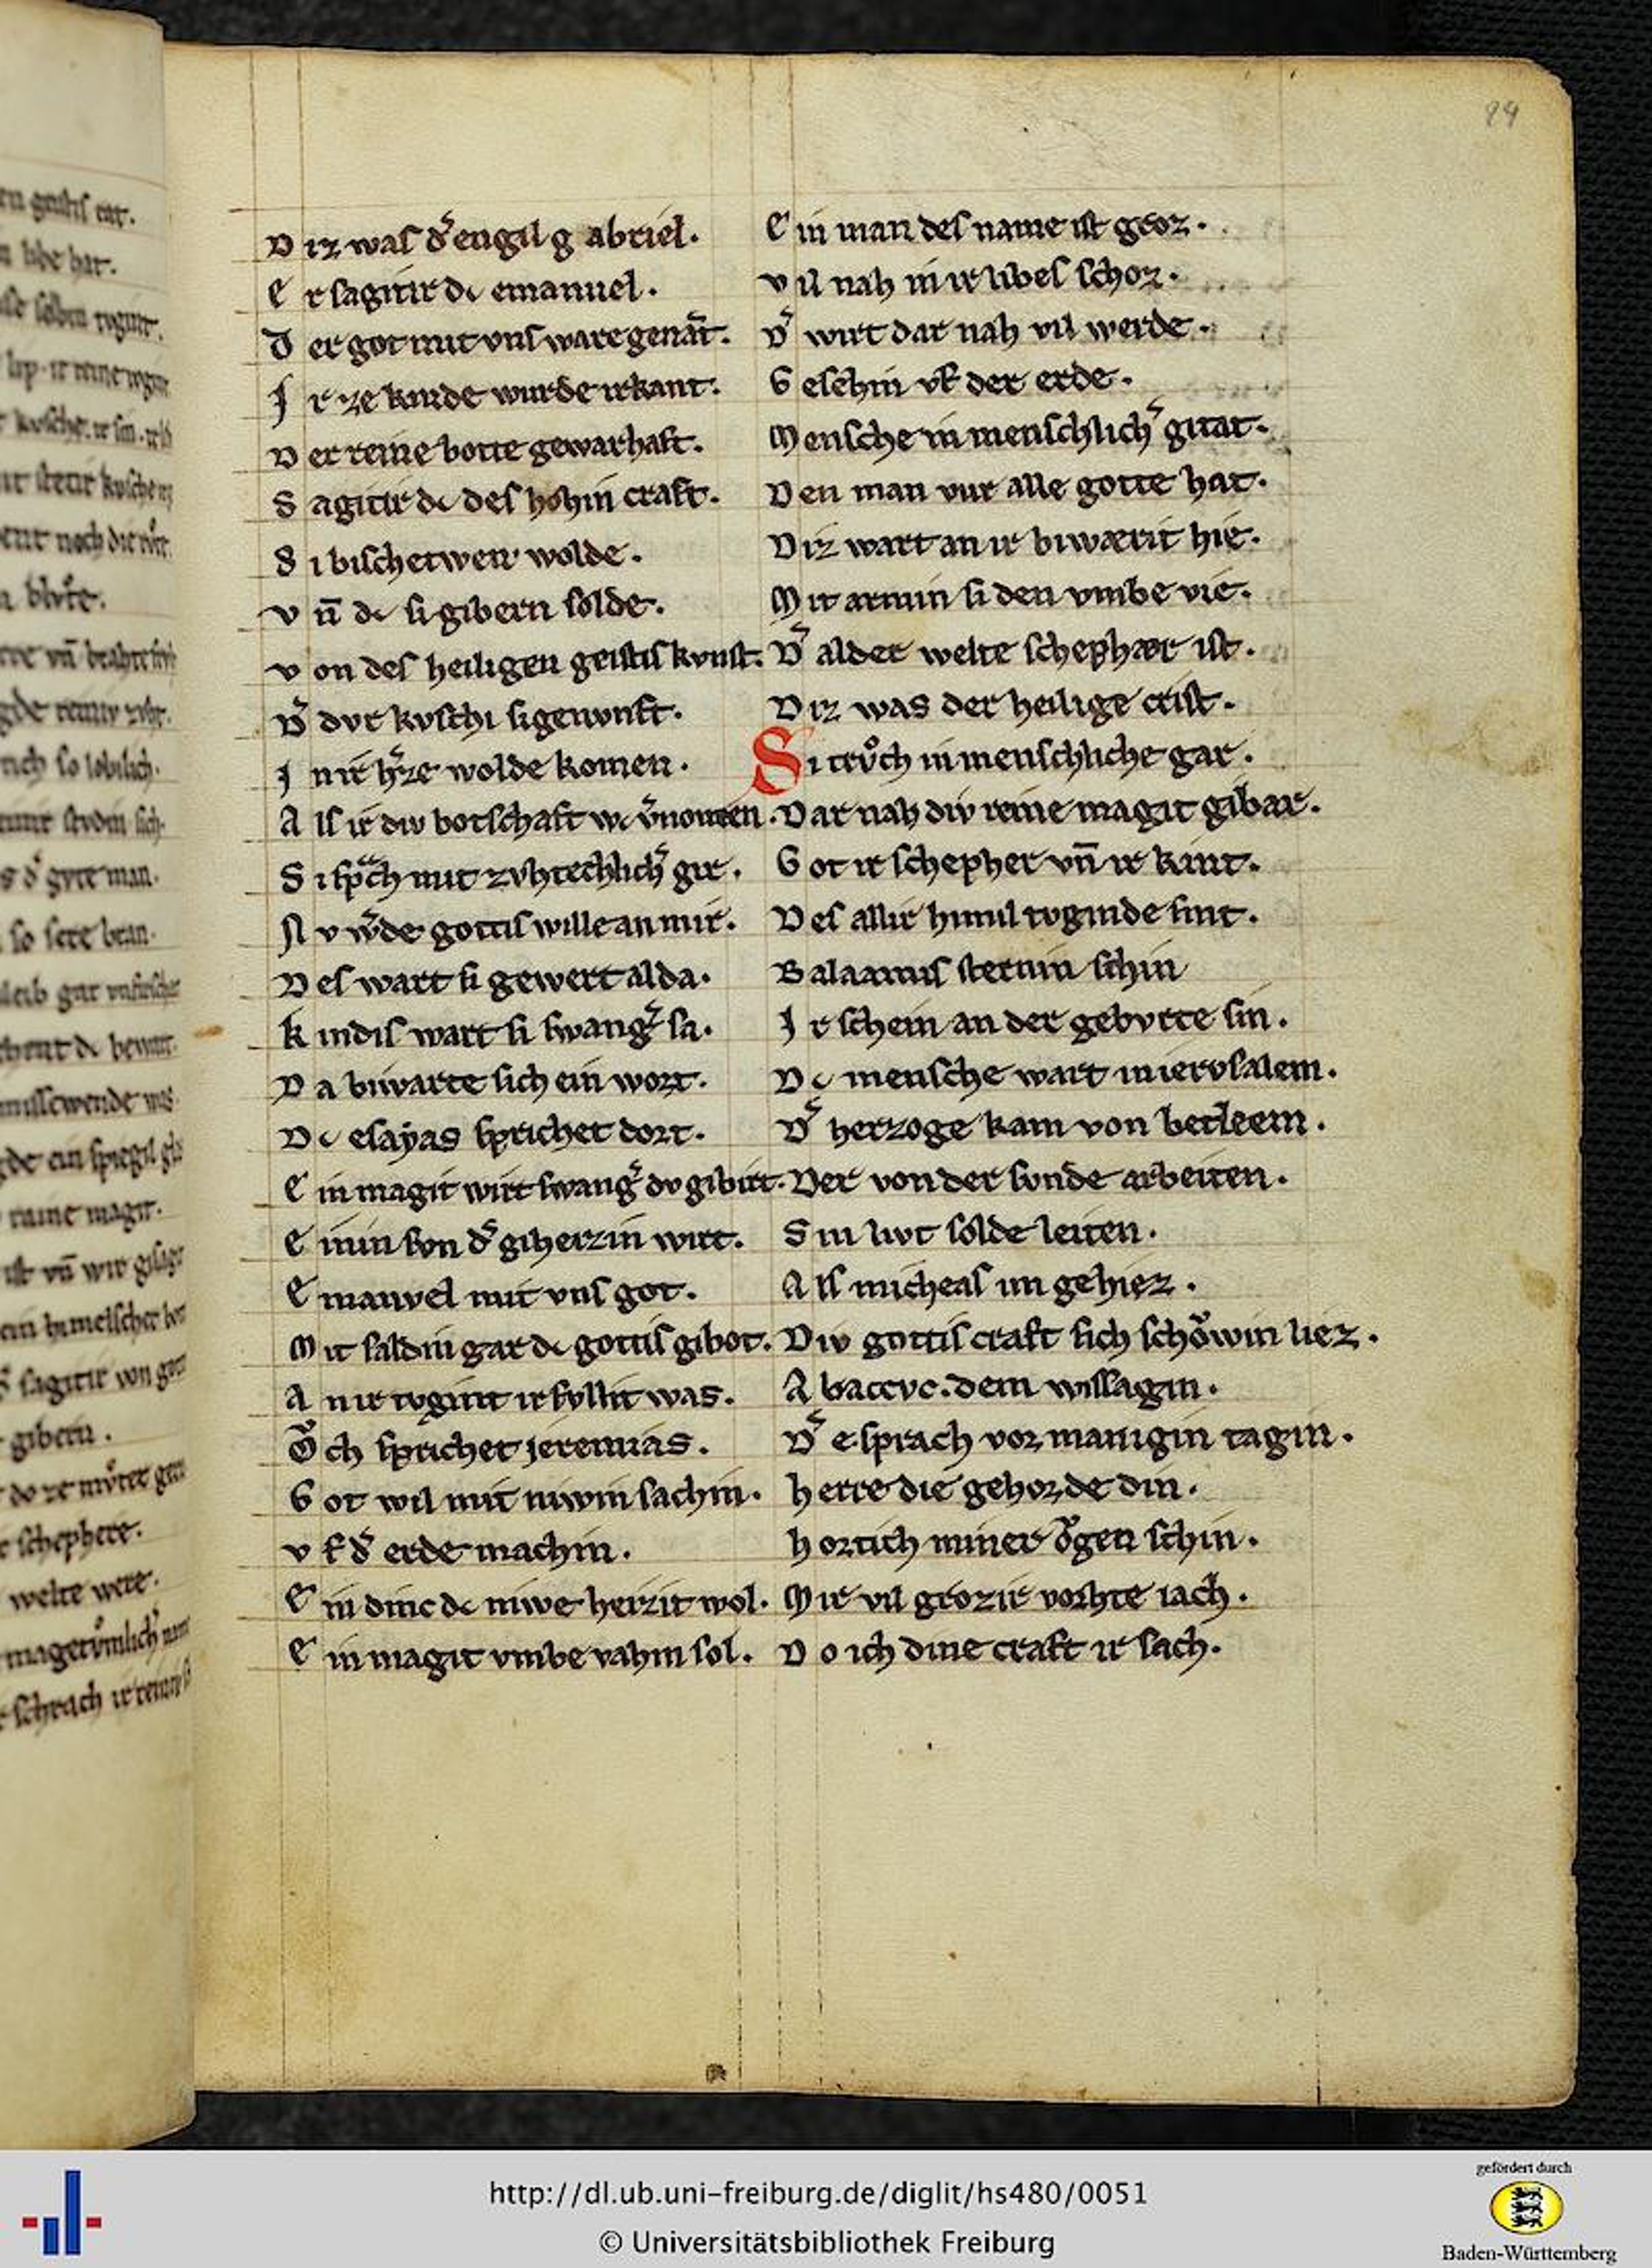Diz waſ d(er) engil g abriel.
Er ſagitir d(az) emanuel.
Der got mit vnſ ware gena(n)t.
Ir ze kinde wurde irkant.
Der reine botte gewarhaft.
Sagitir d(az) deſ hohin craft.
Si biſchetwen wolde.
Vn(d) d(az) ſi gibern ſolde.
Von deſ heiligen geiſtiſ kvnſt.
D(er) dvr kvſchi ſigenvnft.
In ir h(er)ze wolde komen.
Alſ ir div botſchaft w(az) v(er)nomen.
Si ſp(ra)ch mit zvhtechlich(er) gir.
Nv w(er)de gottiſ wille an mir.
Deſ wart ſi gewert alda.
Kindiſ wart ſi ſwang(er) ſa.
Da biwarte ſich ein wort.
D(az) eſayas ſprichet dort.
Ein magit wirt ſwang(er) dv gibirt.
Einin ſvn d(er) giheizin wirt.
Emanvel mit vnſ got.
Mit ſaldin gar d(az) gottiſ gebot.
An ir tvgint irfvllit was.
O°vch ſprichet jeremias.
Got wil mit niwin ſachin.
Vf d(er) erde machin.
Ein dinc d(az) niwe heizit wol.
Ein magit vmbe vahin ſol.
Ein man deſ name iſt groz.
Vil nah in ir libeſ ſchoz.
D(er) wirt dar nah vil werde.
Geſehin vf der erde.
Menſche in menſchlich(er) gitat.
Den man vur alle gotte hat.
Diz wart an ir biw[ae]rit hie.
Mit armin ſi den vmbe vie.
D(er) alder welte ſcheph[ae]r iſt.
Diz was der heilige criſt.
*Si trv°och in menſchliche gar.
Dar nah div reine magit gibar.
Got ir ſchepher vn(d) ir kint.
Deſ allir himil tvginde ſint.
Balaamiſ ſternin ſchin.
Ir ſchein an der gebvrte ſin.
D(az) menſche wart in iervſalem.
D(er) herzoge kam von betleem.
Der von der ſvnde arbeiten.
Sin livt ſolde leiten.
Alſ micheaſ im gehiez.
Div gottiſ craft ſich ſcho°vwin liez.
Abaccuc. Dem wiſſagin.
D(er) e ſprach vor manigin tagin.
Herre die gehorde din.
Hortich miner o°vgen ſchin.
Mir vil grozir vorhte iach.
Do ich dine craft ir ſach.